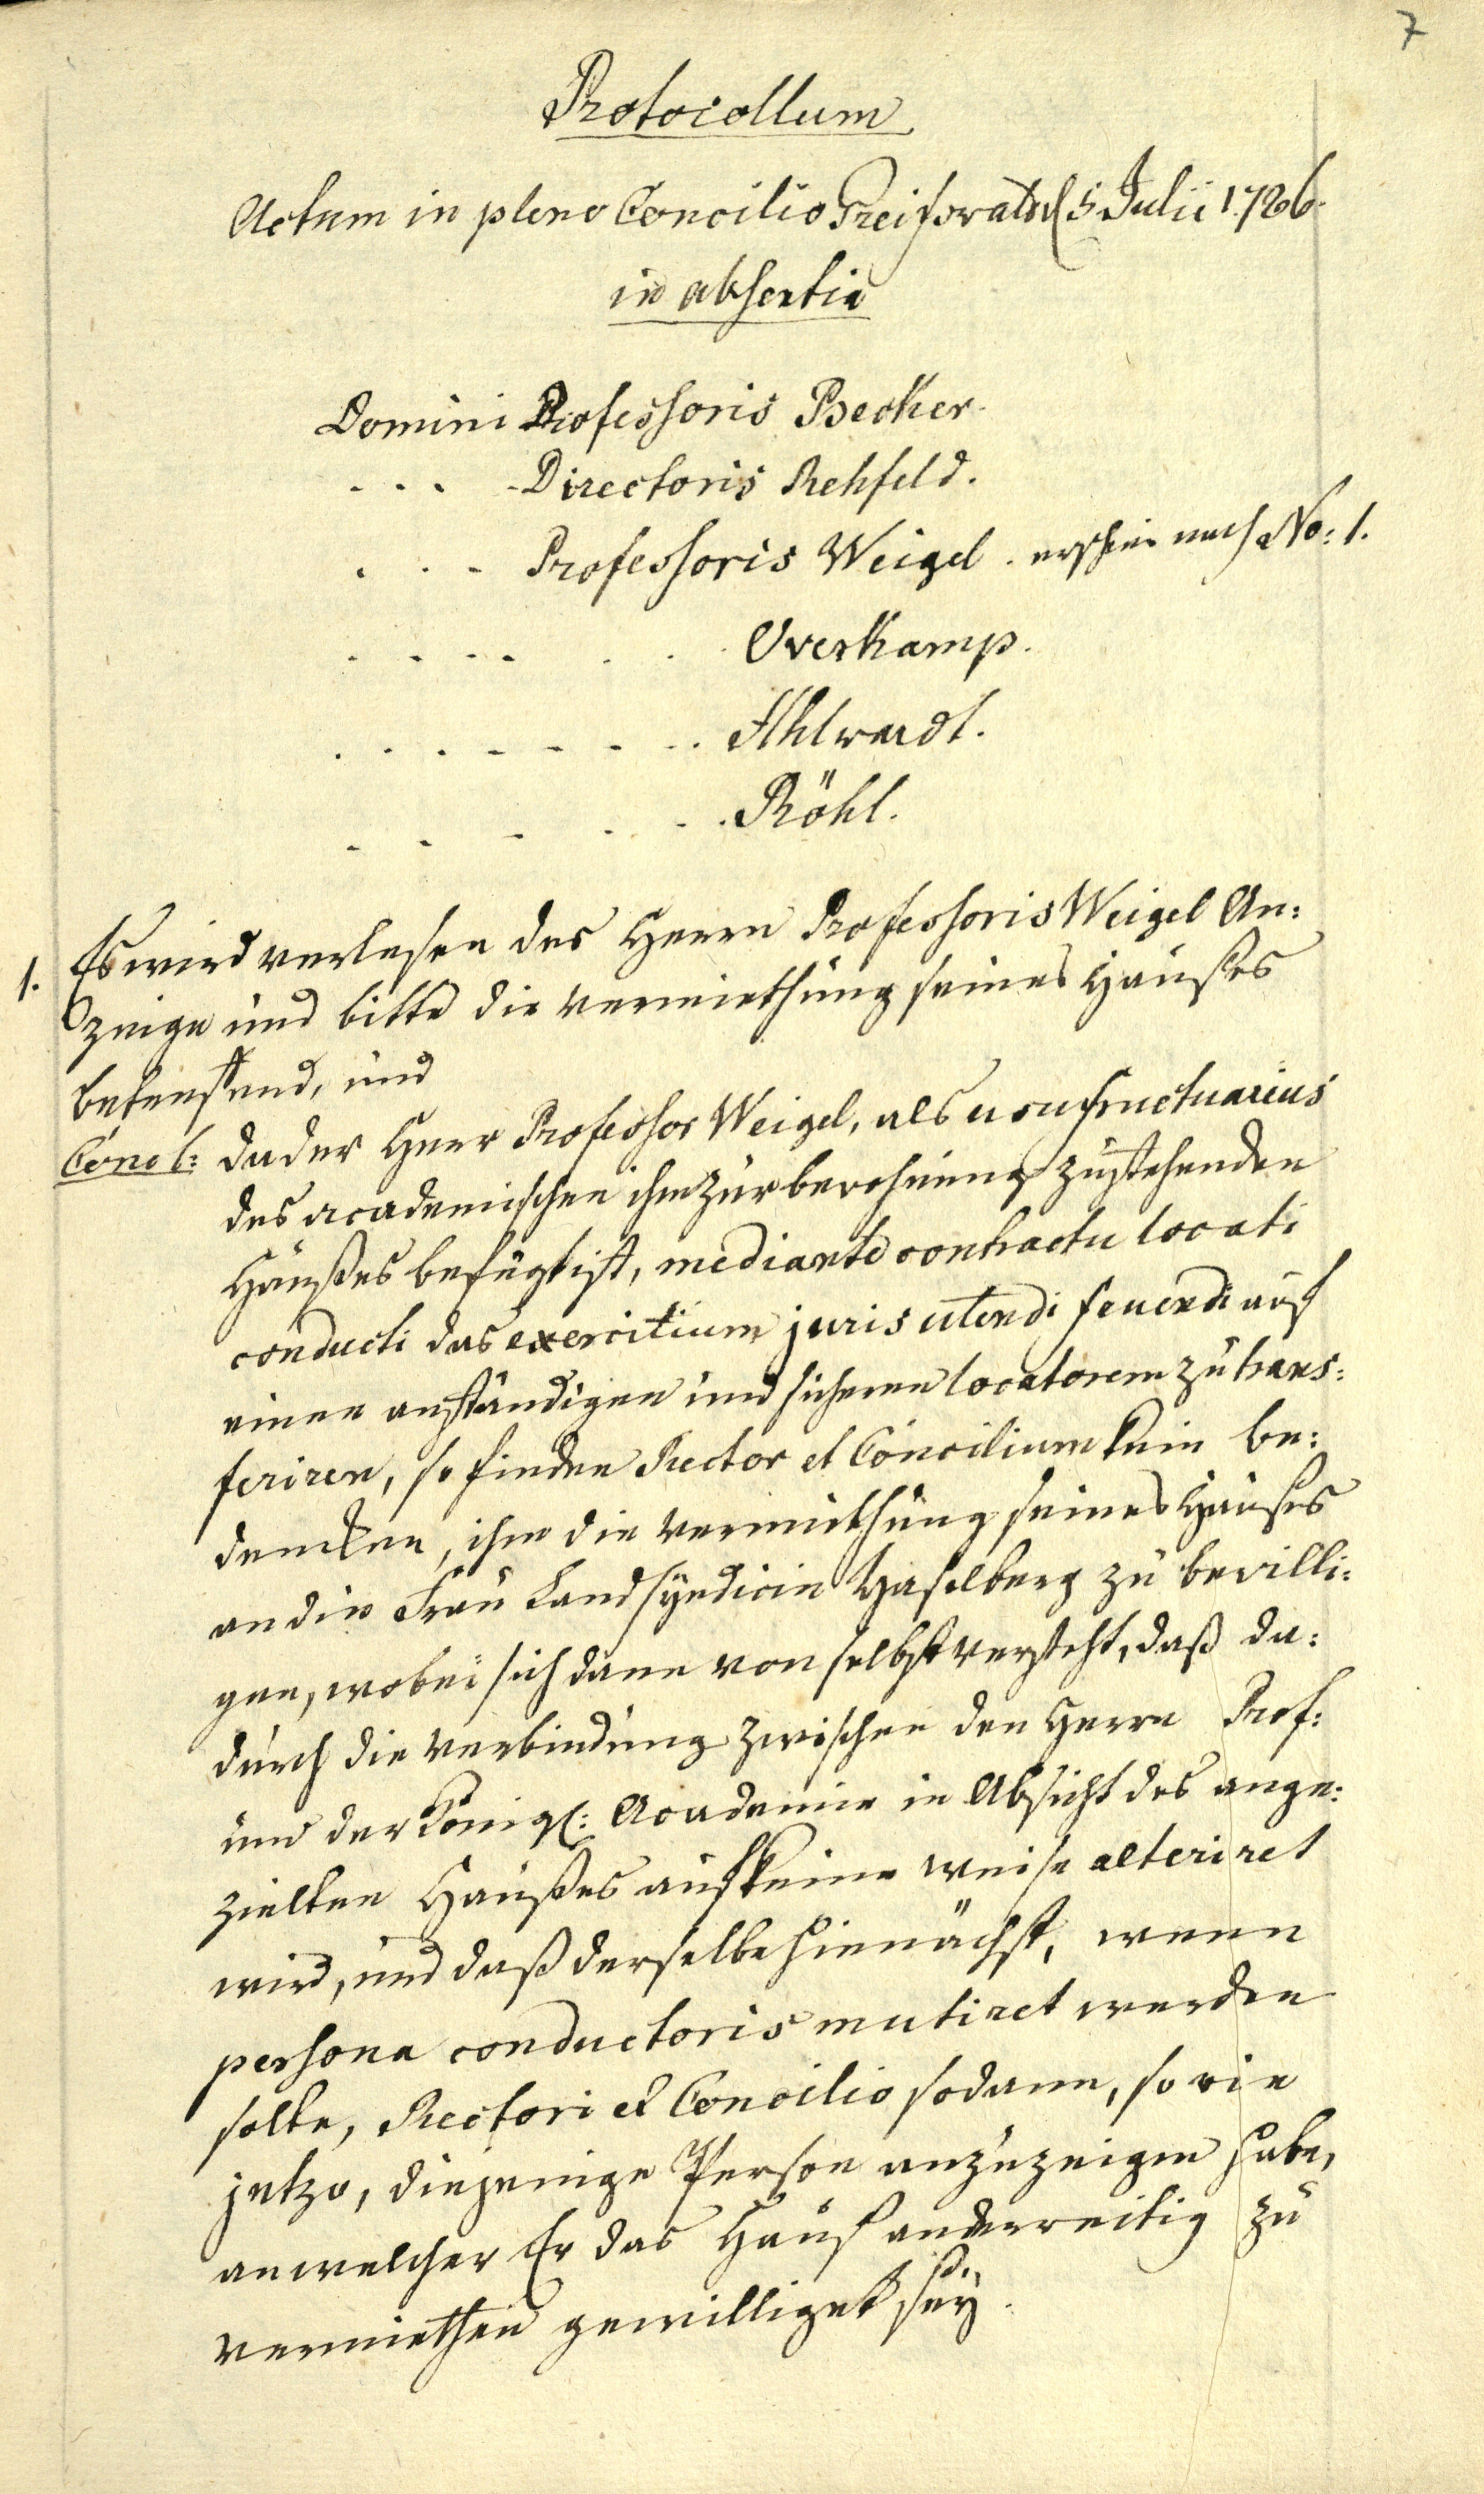Protocollum
Actum in pleno Concilio Greifswald d 5. Julii 1786.
in absentia
Domini Professoris Becker
Directoris Rehfeld.
Professoris Weigel. erschien nach No. 1.
Overkamp.
Ahlwardt.
Röhl.
1. Es wird verlesen des Herrn Professoris Weigel An¬
zeige und bitte die Vermiethung seines Haußes
betreffend, und
Concl. da der Herr Professor Weigel, als usufructuarus
des academischen ihm zur bewohnung zustehenden
Haußes befugt ist, mediante contractu locati
conducti das exercitium juris utendindi Fenendi auf
einen anständigen und sicheren locatorem zu trans¬
feriren, so finden Rector et Concilium kein Be¬
dencken, ihm die Vermiethung seines Haußes
an die Frau Landsÿndicin Haselberg zu bewilli¬
gen, wobei sich dann von selbst versteht, daß da¬
durch die Verbindung zwischen den Herrn Prof.
und der Königl. Academie in Absicht des ange¬
zielten Haußes auf keine Weise alteriret
wird, und daß derselbe hienächst, wenn
persona condurctoris mutiret werden
solte, Rectori et Concilio sodann, so wie
jetzo, diejenige Person anzuzeigen habe,
an welcher Er das Haus anderweitig zu
vermiethen gewilliget seÿ.